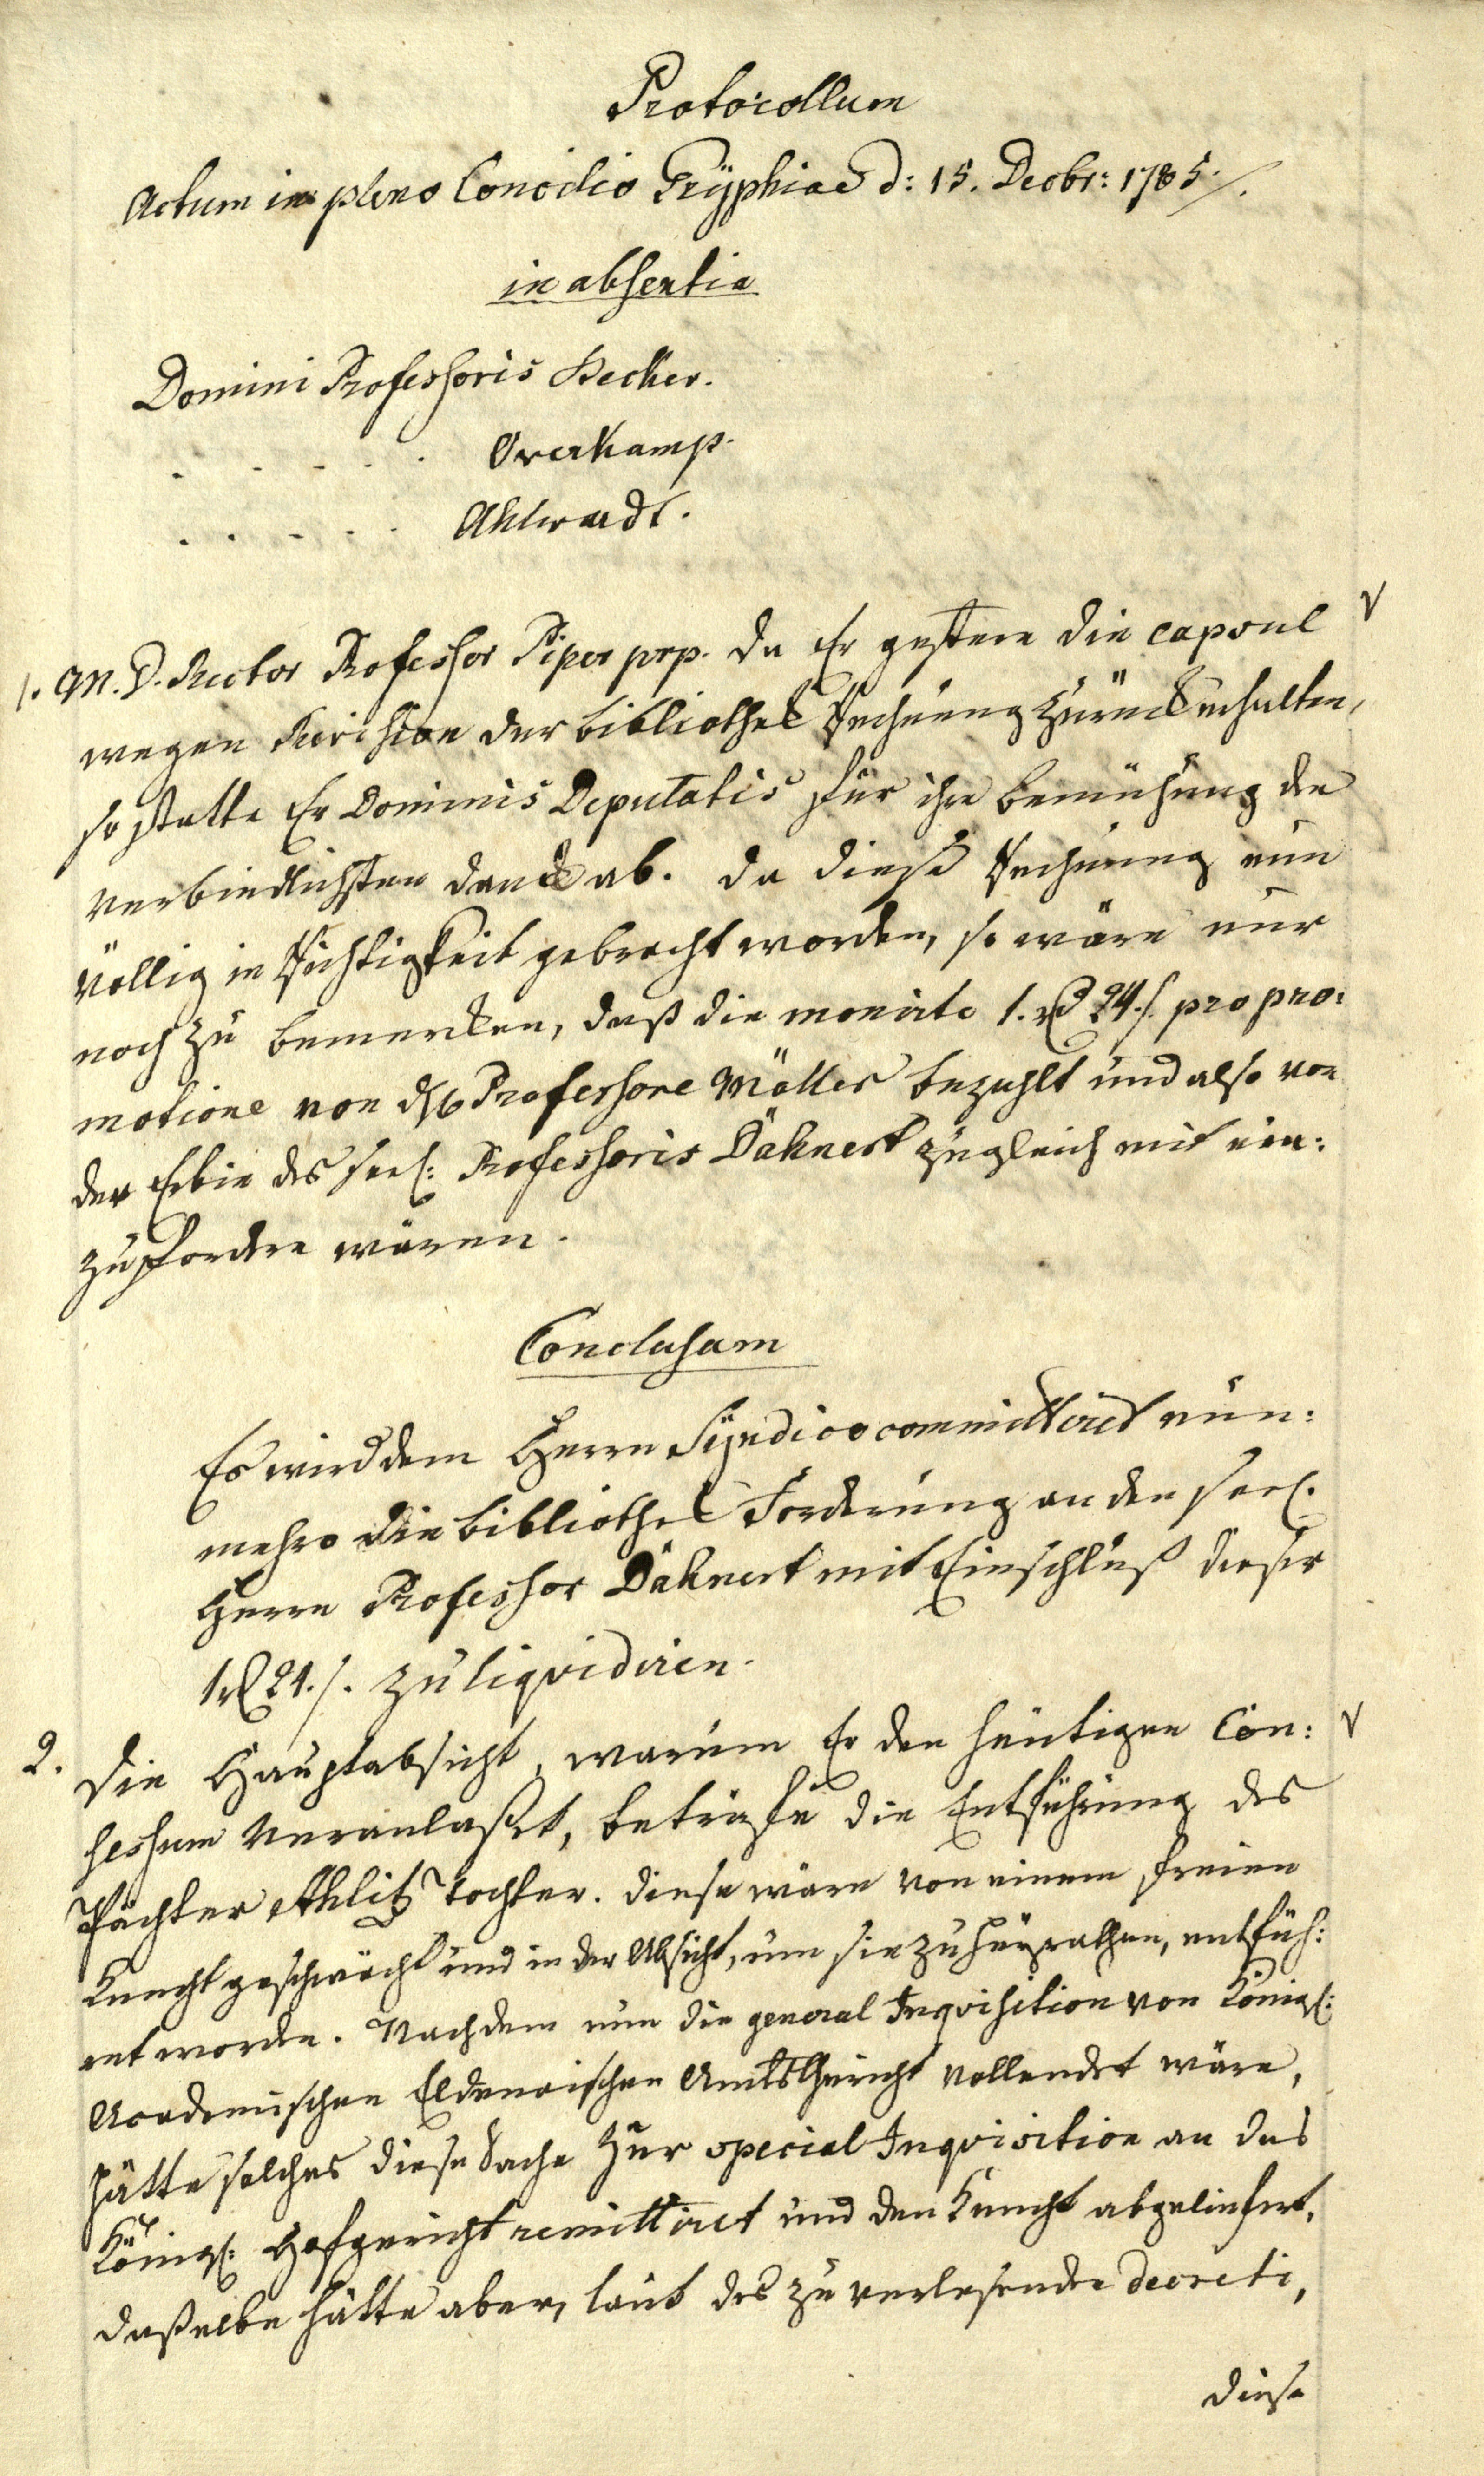Protocollum
Actum in pleno Concilio Grÿphiae d. 15. Decbr. 1785.
in absentia
Domini Professoris Becker.
Overkamp.
Ahlwardt.
1. M. D. Rector Professor Piper prp. Da Er gestern die capsul
wegen Revision der Bibliothek Rechnung zurückerhalten,
so statte Er Dominis Deputatis er ihre Bemühung den
verbindlichsten danck ab. da diese Rechnung nun
völlig in Richtigkeit gebracht worden, so wäre nur
noch zu bemercken, daß die monirte 1. rt 24. s. pro pro¬
motione von dh. Professore Möller bezahlt und also von
der Erbin des seel. Professoris Dähnert zugleich mit ein¬
zufordern wären.
Conclusum
Er wird dem Herrn Sÿndico committiret nun¬
mehro die Bibliothek Forderung an den seel.
Herrn Professor Dähnert mit Einschluß dieser
1 rt 24 s. zu liquidiren.
2. die Hauptabsicht, warum Er den heutigen Con¬
sessum veranlaßet, beträfe die Entführung des
Pächter, Ahlitz Tochter. diese wäre von einem freien
Knecht geschwächt und in der Absicht, um sie zu heÿrathen, entfüh¬
ret worden. Nach dem nun die general Inquisition von Königl.
Academischen Eldenaischen Amts Gericht vollendet wäre,
hätte solches diese Sache zur special Inquisition an das
Königl. Hofgericht remittiret und den Knecht abgeliefert,
daßelbe hätte aber, laut des zu verlesenden decreti,
diese